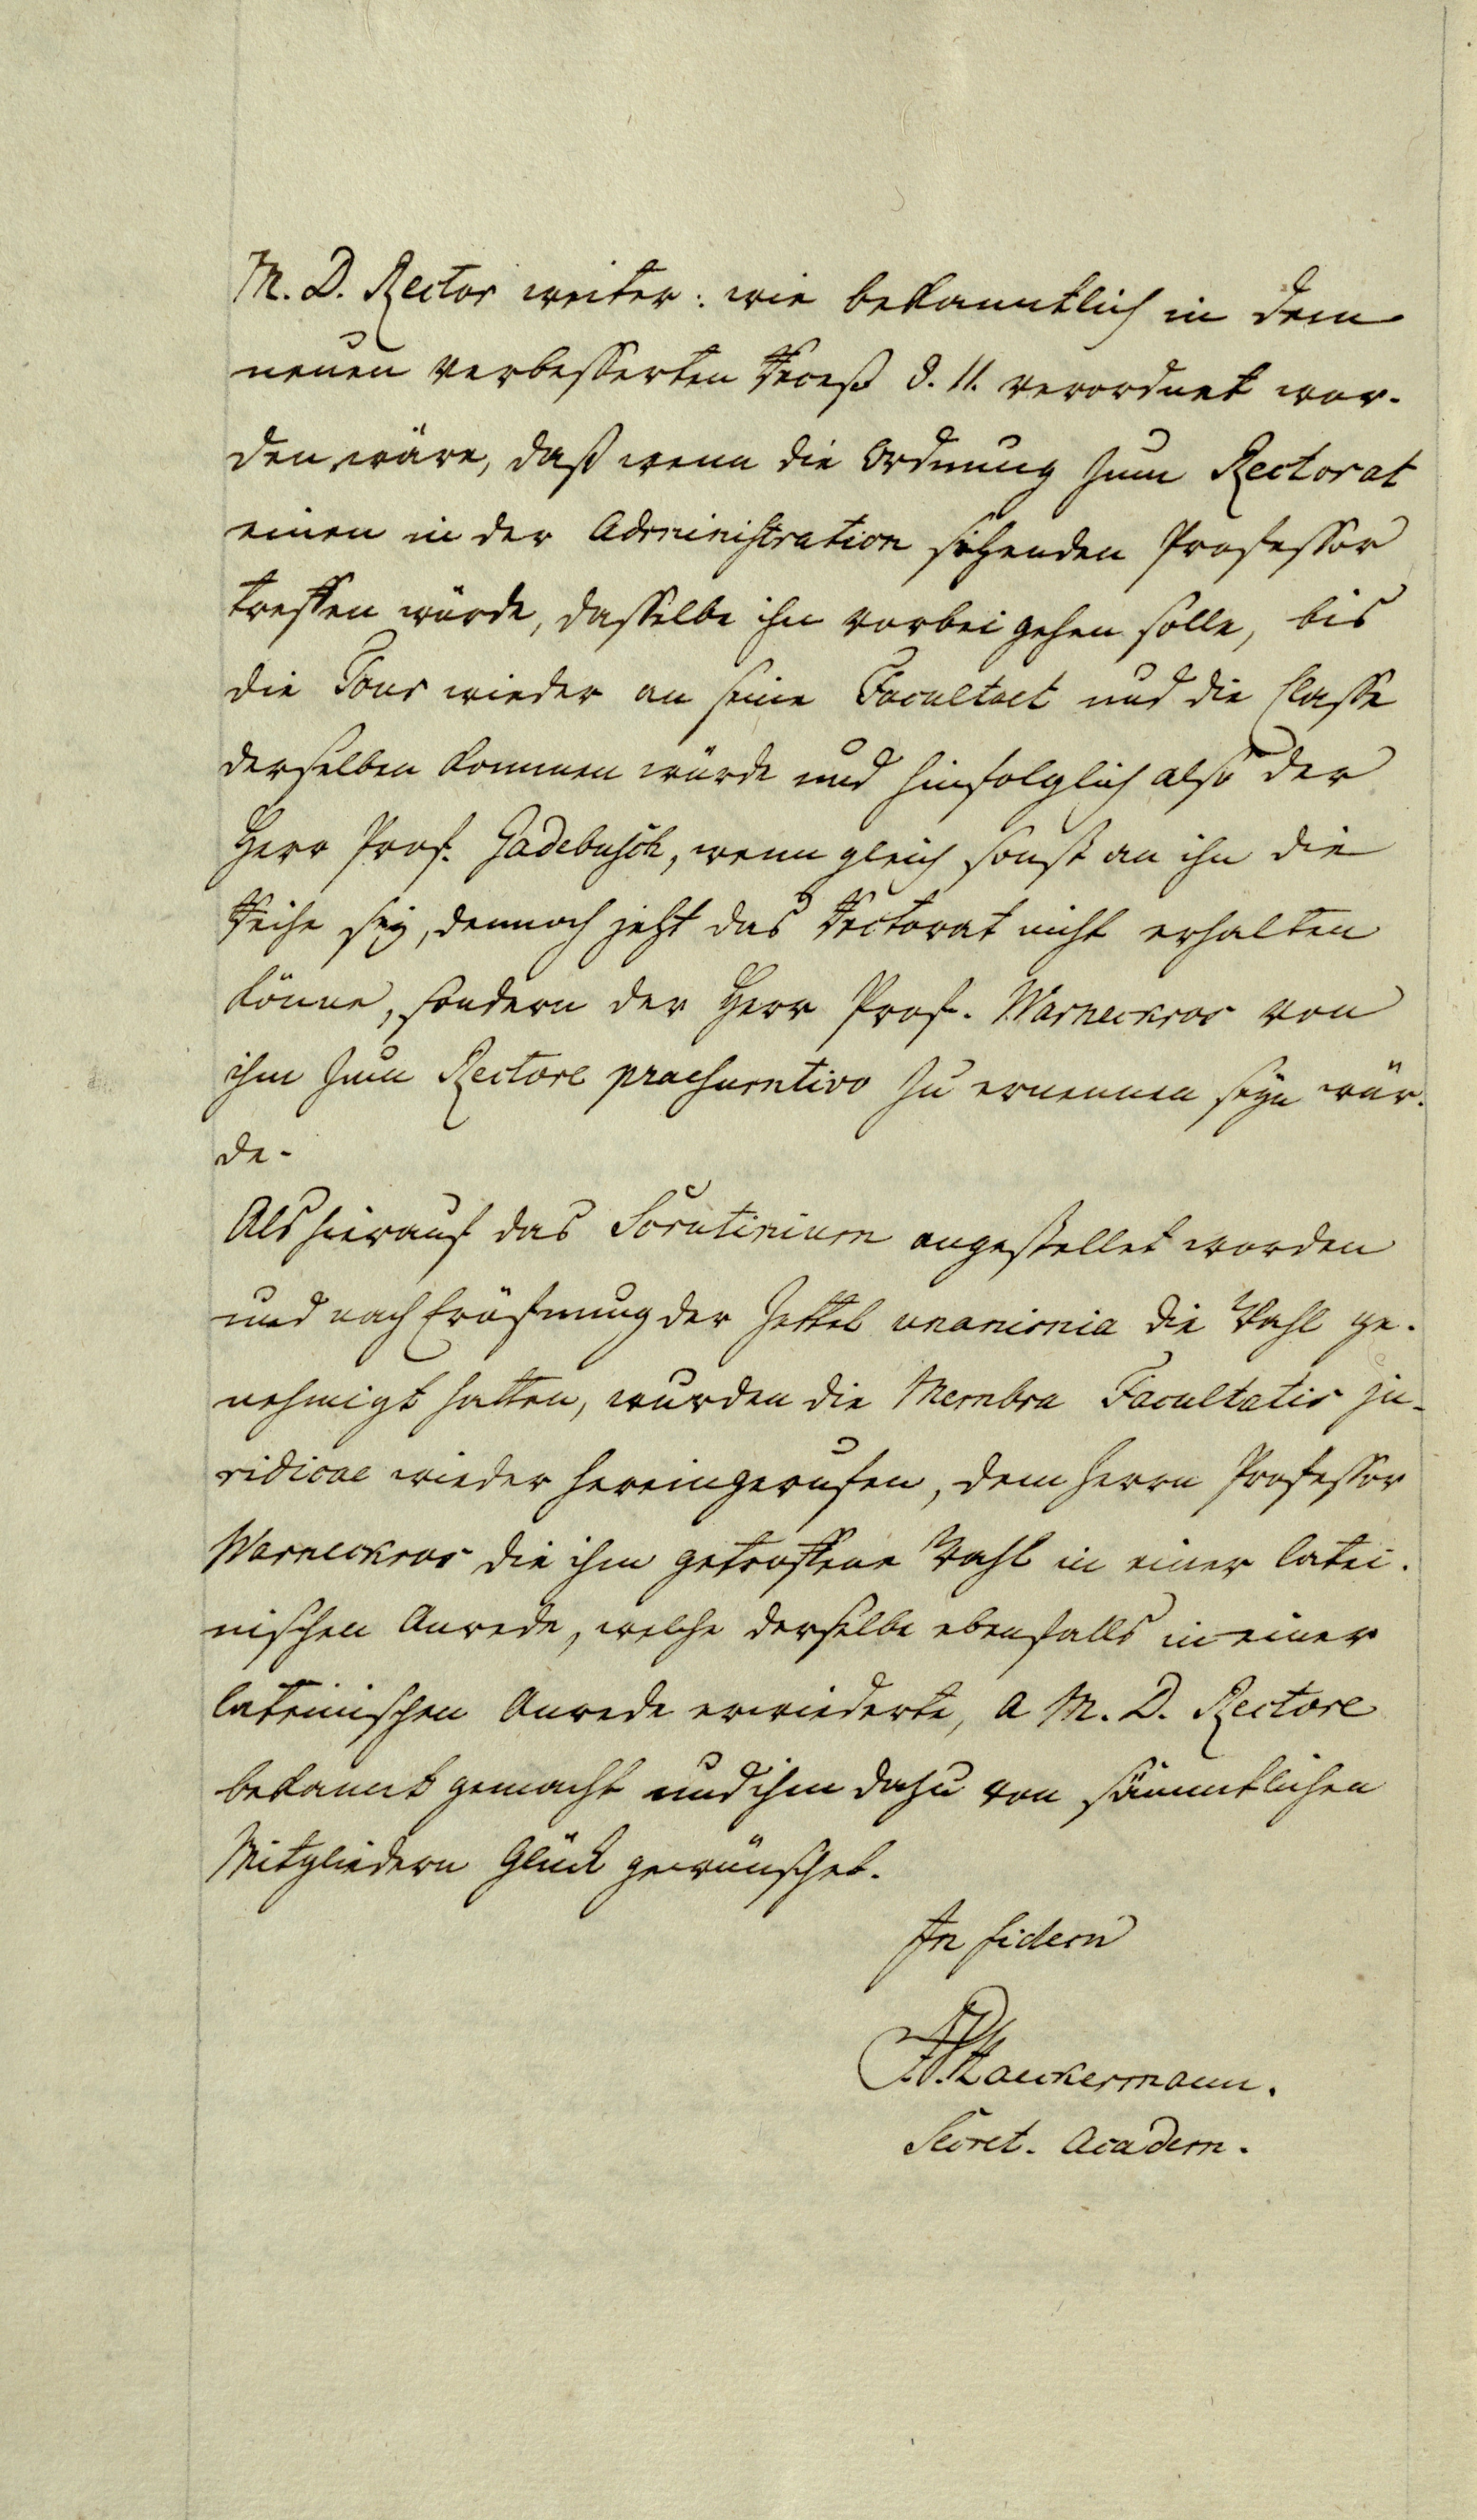M. D. Rector weiter: wie bekanntlich in dem
neuen verbesserten Receß §. 11. verordnet wor-
den wäre, daß wenn die Ordnung zum Rectorat
einen in der Administration sitzenden Professor
treffen würde, dasselbe ihn vorbei gehen solle, bis
die Tour wieder an seine Facultaet und die Classe
derselben kommen würde und hinfolglich also der
Herr Prof. Gadebusch, wenn gleich sonst an ihn die
Reihe seÿ, dennoch jetzt das Rectorat nicht erhalten
könne, sondern der Herr Prof. Warneckros von
ihm zum Rectore praesumtivo zu ernennem seÿn wür¬
de.
Als hierauf das Scrutinium angestellet worden
und nach Eröfnung der Zettel unanimia die Wahl ge¬
nehmigt hatten, wurden die Membra Facultatis ju¬
ridicae wieder hereingerufen, dem Herrn Professor
Warneckros die ihm getroffene Wahl in einer latei¬
nischen Anrede, welche derselbe ebenfalls in einer
lateinischen Anrede erwiederte, a M. D. Rectore
bekannt gemacht und ihm dazu von sämmmtlichen
Mitgliedern Glück gewünschet
In fidem
JGHaeckermann.
Secret. Academ.